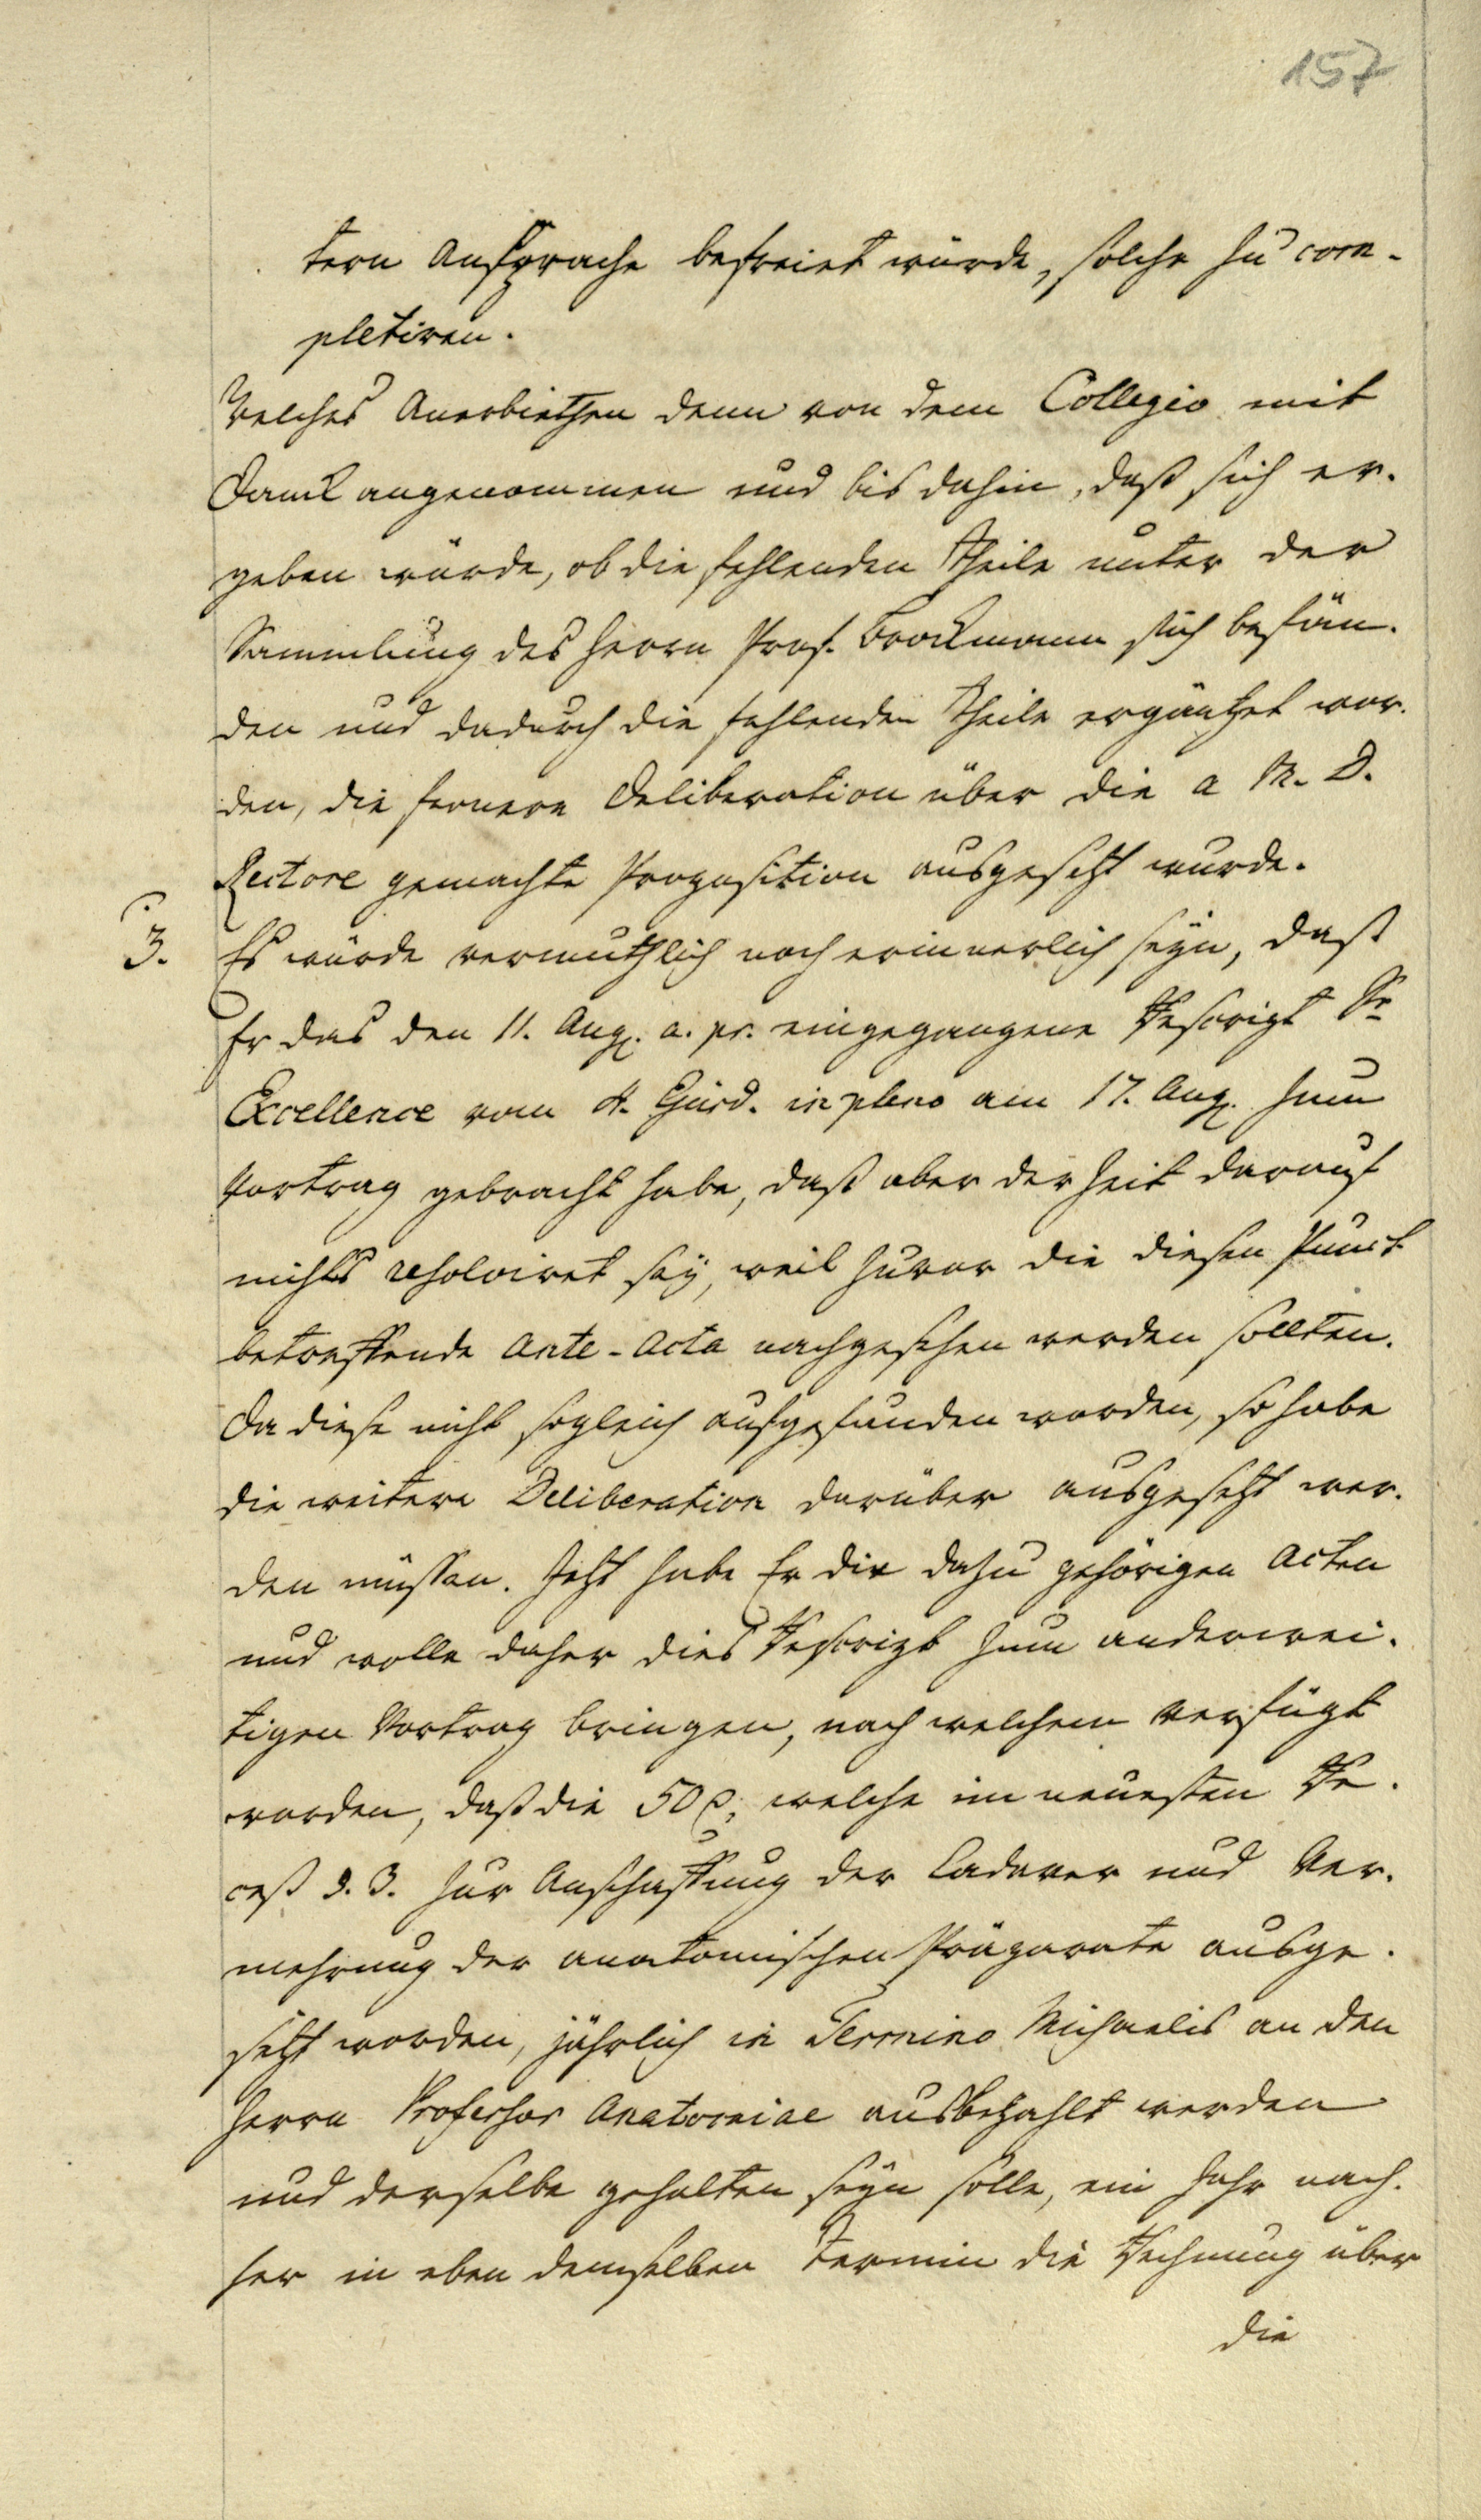tern Ansprache befreiet würde, solche zu com¬
pletiren.
Welches Anerbiethen denn von dem Collegio mit
Danck angenommen und bis dahin, daß sich er¬
geben würde, ob die fehlenden Theile unter der
Sammlung des Herrn Prof. Brockmann sich befän¬
den und dadurch die fehlenden Theile ergäntzet wor¬
den, die fernere Deliberation über die a M. D.
Rectore gemachte Proposition ausgesetzt wurde.
3. Es würde vermuthlich noch erinnerlich seÿn, daß
Er das den 11. Aug. a. pr. eingegangene Rescript Sr
Excellence vom 4. Ejusd. in pleno am 17. Aug. zum
Vortrag gebracht habe, daß aber der Zeit darauf
nichts resolviret seÿ, weil zuvor die diesen Punct
betreffende Ante-Acta nachgesehen werden sollten.
Da diese nicht sogleich aufgefunden worden, so habe
die weitere Deliberation darüber ausgesetzt wer¬
den müssen. Jetzt habe Er die dazu gehörigen Acten
und wolle daher dies Rescript zum anderwei¬
tigen Vortrag bringen, nach welchem verfügt
worden, daß die 50 l., welche im neuesten Re¬
ceß §. 3. zur Anschaffung der Cadaver und Ver¬
mehrung der anatomischen Präparate ausge¬
setzt worden, jährlich in Termino Michaelis an den
Herrn Professor Anatomiae ausbezahlt werden
und derselbe gehalten seÿn solle, ein Jahr nach¬
her in eben demselben Termin die Rechnung über
die